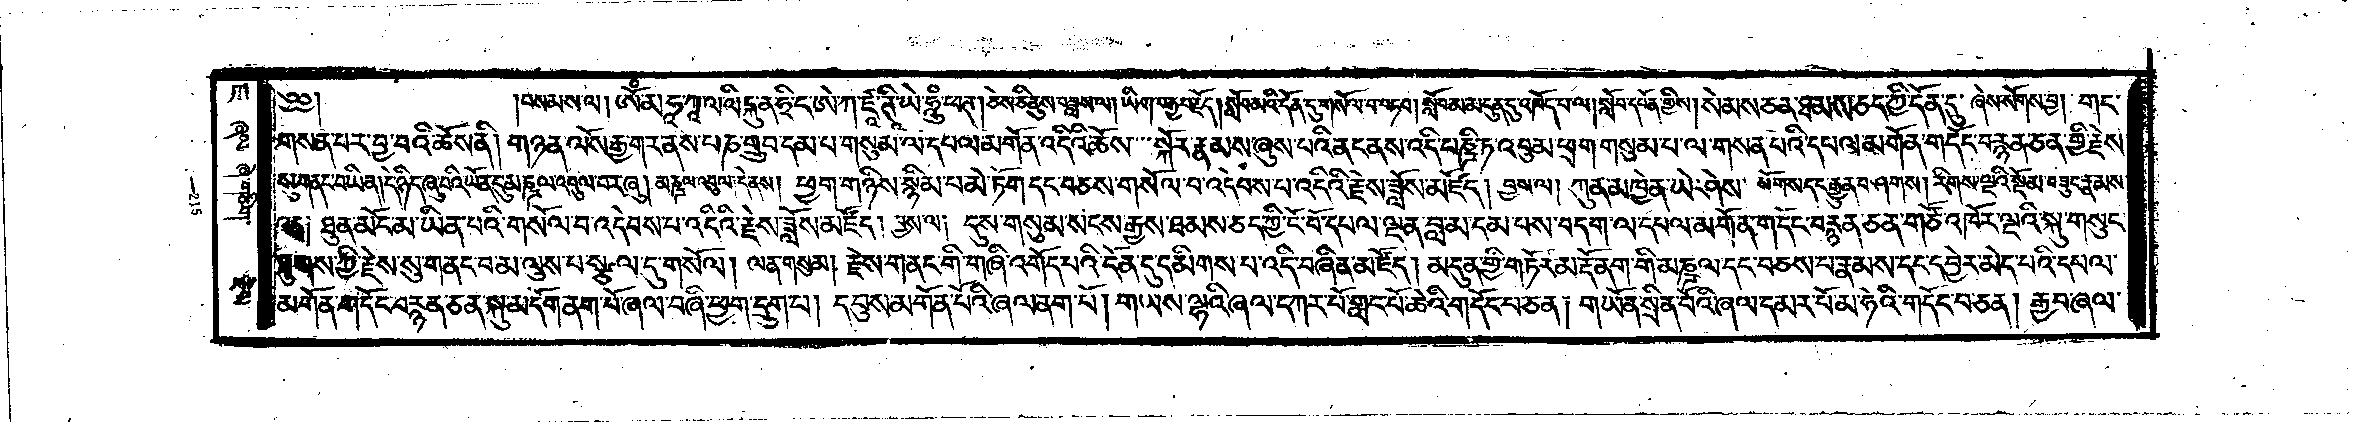༄༅། །བསམས་ལ། ཨོཾ་མཧཱ་ཀཱ་ལ་ལིངྐུ་ན་ཧྲི་ད་ཨེ་ཀ་ཛཱ་ཊཱི་ཡེ་ཧཱུཾ་ཕཊ། ཅེས་ཅི་ནུས་བཟླས་ལ། ཡིག་བརྒྱ་བརྗོད། སློབ་མའི་དོན་དུ་གསོལ་བ་བཏབ། སློབ་མ་མདུན་དུ་འཁོད་པ་ལ། སློབ་དཔོན་གྱིས།  སེམས་ཅན་ཐམས་ཅད་ཀྱི་དོན་དུ་ཞེས་སོགས་བྱ།  གང་
གསན་བར་བྱ་བའི་ཆོས་ནི། གཉན་ལོས་རྒྱ་གར་ནས་པཎ་གྲུབ་དམ་པ་གསུམ་ལ་དཔལ་མགོན་འདིའི་ཆོས་སྐོར་རྣམས་ཞུས་པའི་ནང་ནས་འདི་པཎྜི་ན་འབུམ་ཕྲག་གསུམ་པ་ལ་གསན་པའི་དཔལ་མགོན་གདོང་བརྙན་ཅན་གྱི་རྗེས་
སུ་གནང་བ་ཡིན། དེ་ཉིད་ཞུ་བའི་ཡོན་དུ་མཎྜལ་འབུལ་བར་ཞུ། མཎྜལ་འབུལ། དེ་ནས།  ཕྱག་གཉིས་སྙིམ་པ་མེ་ཏོག་དང་བས་གསོལ་བ་འདེབས་པ་འདིའི་རྗེས་ཟློས་མཛོད། བྱས་ལ།  ཀུན་མཁྱེན་ཡེ་ཤེས་སོགས་དང་རྒྱུན་བཤགས། རིགས་ལྔའི་སྡོམ་བཞུང་རྣམས་
འདྲ། ཐུན་མོང་མ་ཡིན་པའི་གསོལ་བ་འདེབས་པ་འདིའི་རྗེས་བཟློས་མཛོད། བྱས་ལ།  དུས་གསུམ་སངས་རྒྱས་ཐམས་ཅད་ཀྱི་ངོ་བོ་དཔལ་ལྡན་བླ་མ་དམ་པས་བདག་ལ་དཔལ་མགོན་གདོང་བརྙན་ཅན་གཙོ་འཁོར་ལྔའི་སྐུ་གསུང་
ཐུགས་ཀྱི་རྗེས་སུ་གནང་བ་མ་ལུས་པ་སྩལ་དུ་གསོལ། ལན་གསུམ།  རྗེས་གནང་གི་གཞི་འགོད་པའི་དོན་དུ་དམིགས་པ་འདི་བཞིན་མཛོད། མདུན་གྱི་གཏོར་མ་རྡོ་ནག་གི་མཎྜལ་དང་བཅས་པ་རྣམས་དང་དབྱེར་མེད་པའི་དཔལ་
མགོན་གདོང་བརྙན་ཅན་སྐུ་མདོག་ནག་པོ་ཞལ་བཞི་ཕྱག་དྲུག་པ། དབུས་མགོན་པོའི་ཞལ་ནག་པོ། གཡས་ལྷའི་ཞལ་དཀར་པོ་གླང་པོ་ཆེའི་གདོང་པ་ཅན། གཡོན་སྲིན་པོའི་ཞལ་དམར་པོ་མ་ཧེའི་གདོང་པ་ཅན། རྒྱ་བ་ཞལ་